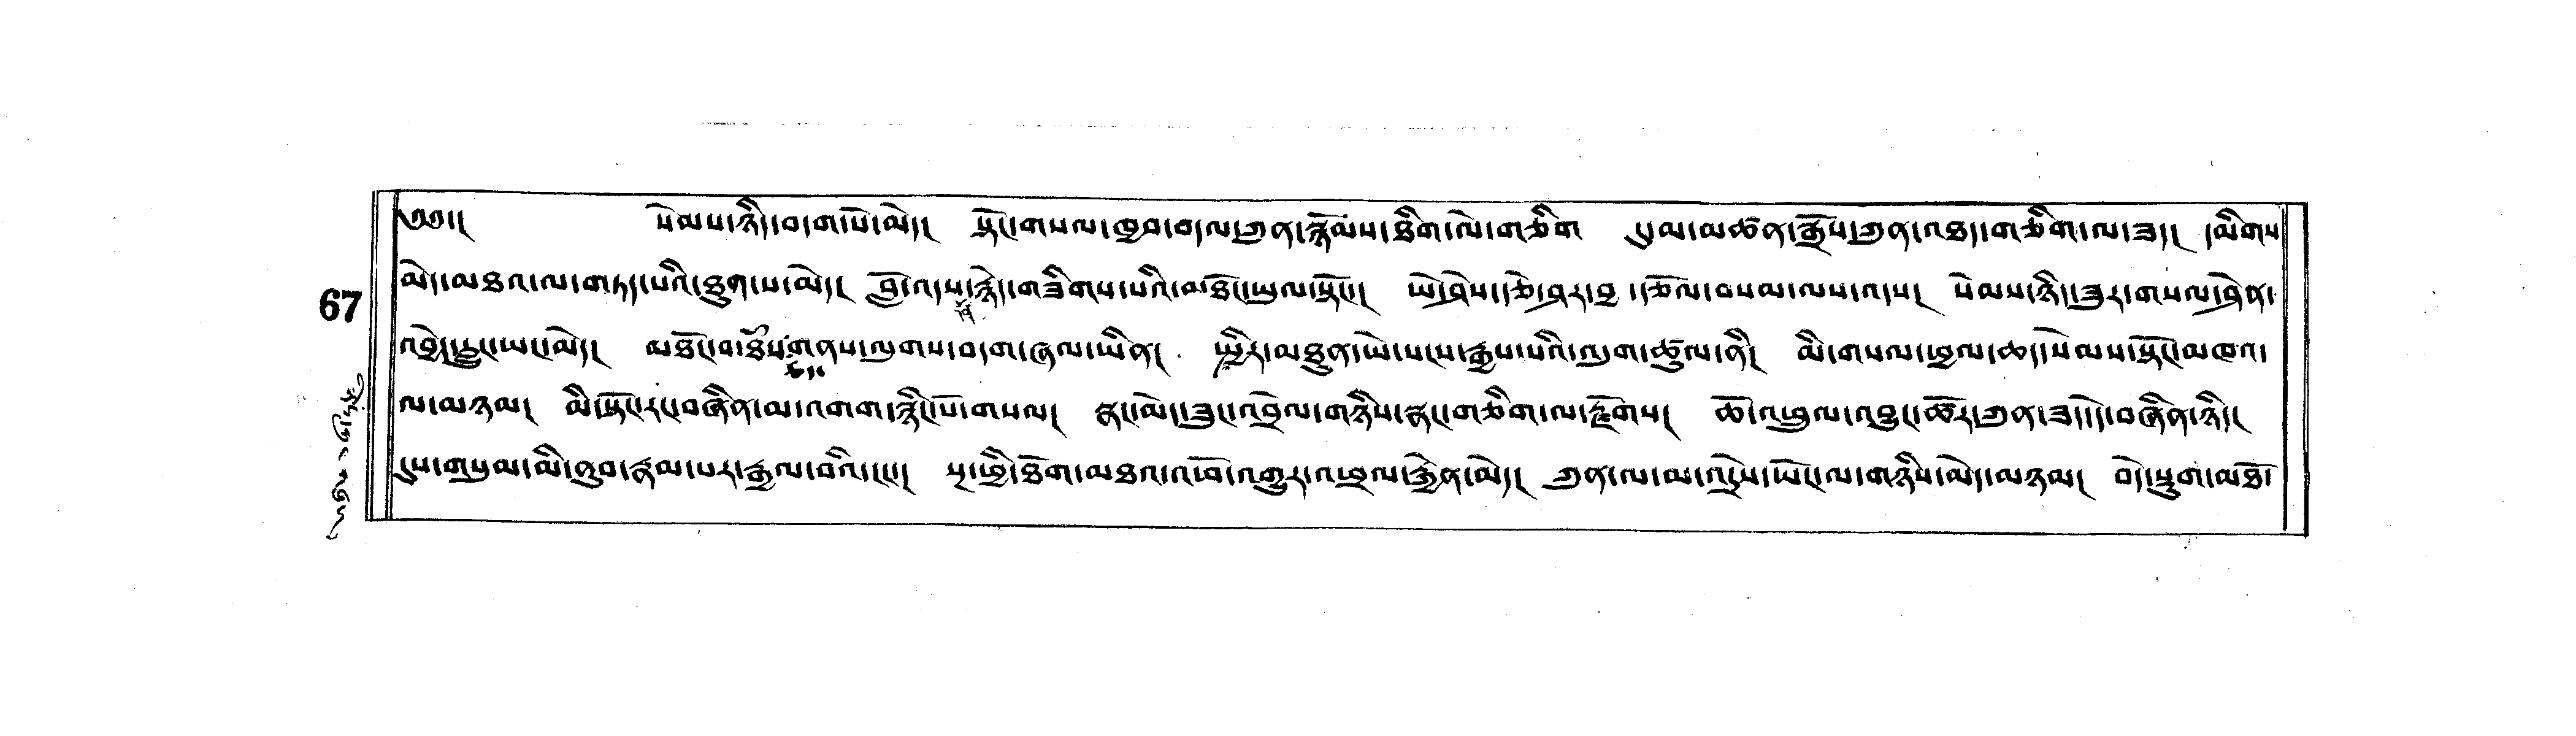སེམས་ཉིད་བདག་པོ་མེད། སྟོང་གསལ་ཁྱབ་གདལ་ཀུན་སྙོམས་ཐིག་ལེ་གཅིག དུ་མ་མཚན་སྒྲོས་ཀུན་འཐད་གཅིག་ལ་ཟད། དམིགས་
མེད་མཐའ་ལ་གཏད་པའི་ཐུག་པ་མེད། བློ་འདས་དོན་རྙེད་གཟིགས་པའི་མཐོང་ཡུལ་སྟོང་། ཡེ་ཤེས་རྩེ་ཤར་བྱ་རྩོལ་བསམ་ལས་འདས། སེམས་ཉིད་ཟུར་གསལ་ཤན་
འབྱེད་རླུང་ཡང་མེད། མཐོང་བ་ཐམས་ཅད་གནས་ལུགས་བདག་ཞལ་ཡིན། སྤྱིར་མཐུན་ཡེ་སངས་རྒྱས་པའི་འདུག་ཚུལ་ནི། མི་གསལ་ཕྱལ་ཆད་སེམས་སྟོང་མཁའ་
ལ་མཉམ། མི་སྟོང་རང་བཞིན་མ་འགག་སྙིང་པོ་གསལ། སྣང་མེད་ཟུང་འབྲེལ་གཉིས་སྣང་གཅིག་ལ་རྫོགས། ཆོ་འཕྲུལ་བྱུང་ཚོར་ཀུན་ཟད་དེ་བཞིན་ཉིད། 
དུས་གསུམ་མི་ནུབ་རྣམ་པར་རྒྱལ་བའི་ངང་། སྔ་ཕྱི་ཐོག་མཐའ་འཕོ་འགྱུར་འཕྲལ་རྐྱེན་མེད། ཀུན་ལ་མ་འདྲེས་ཡོངས་ལ་གཉིས་མེད་མཉམ། བདེ་སྡུག་མཐོ་